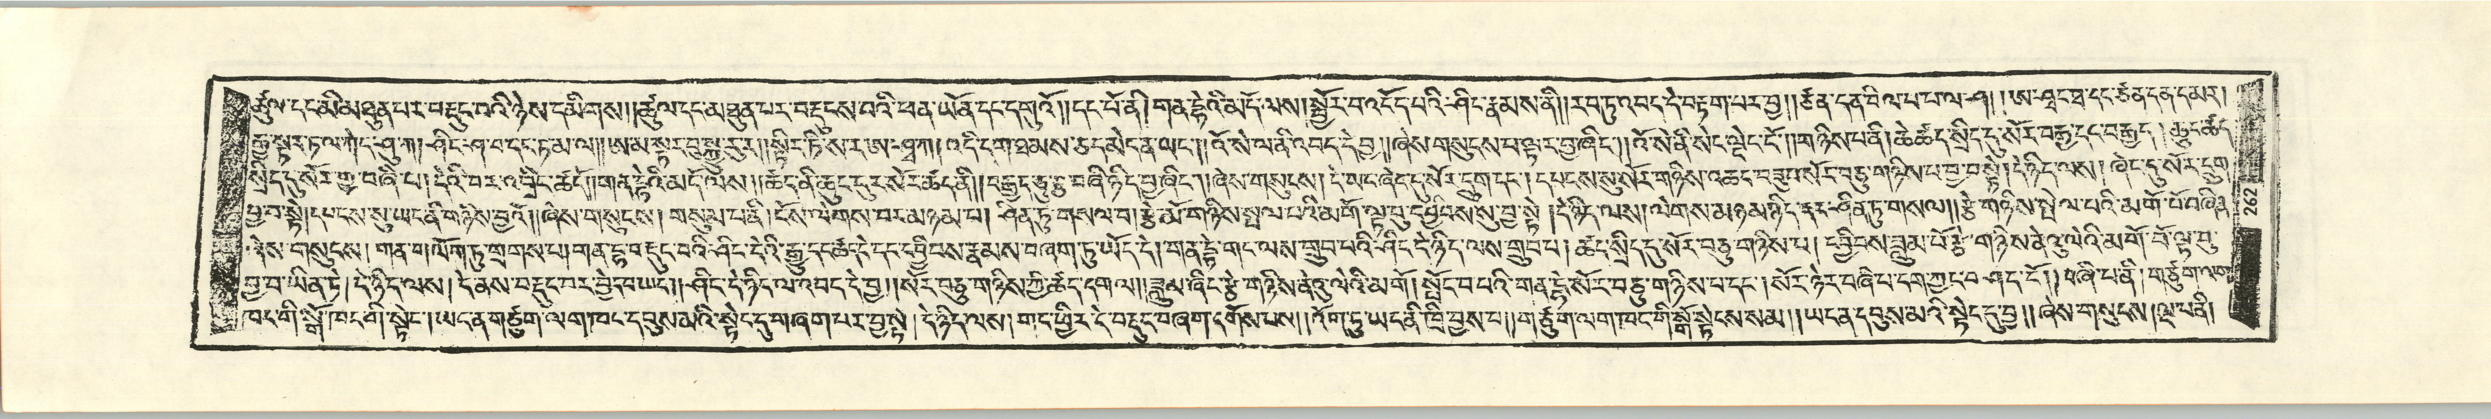ཚུལ་དང་མི་མཐུན་པར་བརྡུང་བའི་ཉེས་དམིགས། །ཚུལ་དང་མཐུན་པར་བརྡུངས་པའི་ཕན་ཡོན་དང་དགུའོ། །དང་པོ་ནི། གན་དྷེའི་མདོ་ལས། སྦྱོར་བ་འདོད་པའི་ཤིང་རྣམས་ནི། །རབ་ཏུ་འབད་དེ་བརྟག་པར་བྱ། །ཙན་དན་བིལ་པ་པ་ལ་ཤ། །ཨ་ཤྭང་ཐ་དང་ཙན་དན་དམར།
རྒྱ་སྟར་ཏ་ལ་ཀེད་ཤུ་ཀ། ཤིང་ཤ་བ་དང་ཏ་མ་ལ། །ཨ་མ་སྟར་བུ་སྐྱུ་རུ་ར། །སྟིར་ཏི་ས་ར་ཨ་ཤྭ་ཀ། འདི་དག་ཐམས་ཅད་མེད་ན་ཡང་། །འོ་སེ་ལ་ནི་འབད་དེ་བྱ། །ཞེས་གསུངས་བ་ལྟར་བྱ་ཞིང་། །འོ་སེ་ནི་སེང་ལྡེང་ངོ། །གཉིས་པ་ནི། ཆེ་ཚད་སྲིད་དུ་སོར་བརྒྱ་དང་བརྒྱད། ཆུང་ཚད་
སྲིད་དུ་སོར་གྱ་བཞི་པ། དེའི་བར་འབྲིང་ཚད་དོ། །གན་དྷེའི་མདོ་ལས། །ཚད་ནི་ཆུང་ངུར་སོར་ཚད་ནི། །བརྒྱད་ཅུ་རྩ་བཞི་ཉིད་བྱ་ཞིང་། །ཞེས་གསུངས། དེ་ཡང་ཞེང་དུ་སོར་དྲུག་དང་། དཔངས་སུ་སོར་གཉིས་འཆང་བཟུང་སོར་བཅུ་གཉིས་པ་བྱ་བ་སྟེ། དེ་ཉིད་ལས། ཞེང་དུ་སོར་དྲུག་
བྱ་བ་སྟེ། དཔངས་སུ་ཡང་ནི་གཉིས་བྱའོ། །ཞེས་གསུངས། གསུམ་པ་ནི། ངོས་ལེགས་པར་མཉམ་པ། ཤིན་ཏུ་གསལ་བ། རྩེ་མོ་གཉིས་སྤལ་བའི་མགོ་ལྟ་བུ་དབྱིབས་སུ་བྱ་སྟེ། དེ་ཉིད་ལས། ལེགས་མཉམ་ཉིད་དར་ཤིན་ཏུ་གསལ། །རྩེ་གཉིས་སྤེལ་པའི་མགོ་བོ་བཞིན་
ཞེས་གསུངས། གན་བ། ལོག་ཏུ་གྲགས་པ། གན་དྷ་བརྡུང་བའི་ཤིང་དེའི་རྒྱུ་དང་ཚད་ངེ་དང་དབྱིབས་རྣམས་བཞག་ཏུ་ཡོད་དེ། གན་དྷེ་གང་ལས་གྲུབ་པའི་ཤིང་དེ་ཉིད་ལས་གྲུབ་པ། ཚད་སྲིད་དུ་སོར་བཅུ་གཉིས་པ། དབྱིབས་ཟླུམ་པོ་རྩེ་གཉིས་ནེའུ་ལེའི་མགོ་བོ་ལྟ་བུ་
བྱ་བ་ཡིན་ཏེ། དེ་ཉིད་ལས། དེ་ནས་བརྡུང་བར་བྱེད་པ་ཡང་། །ཤིང་དེ་ཉིད་ལ་འབད་དེ་བྱ། །སོར་བཅུ་གཉིས་ཀྱི་ཚད་དགལ། །ཟླུམ་ཞིང་རྩེ་གཉིས་ནེའུ་ལེའི་མགོ །སྤོང་བ་པའི་གན་དྷེ་སོར་བཅུ་གཉིས་པ་དང་། སོར་ཉེར་བཞི་པ་དག་ཀྱང་བཤད་དོ། །བཞི་པ་ནི། གཙུག་ལག་
ཁང་གི་སྒོ་ཁང་གི་སྟེང་། ཡང་ན་གཙུག་ལག་ཁང་དབུས་མའི་སྟེང་དུ་གཞག་པར་བྱ་སྟེ། དེ་ཉིད་ལས། གང་ཕྱིར་དེ་བརྡུང་བཞག་དགོས་པས། །འོག་ཏུ་ཡང་ནི་ཁྲི་བྱས་པ། །གཙུག་ལག་ཁང་གི་སྒོ་སྟེངས་སམ། །ཡང་ན་དབུས་མའི་སྟེང་དུ་བྱ། །ཞེས་གསུངས། ལྔ་པ་ནི།